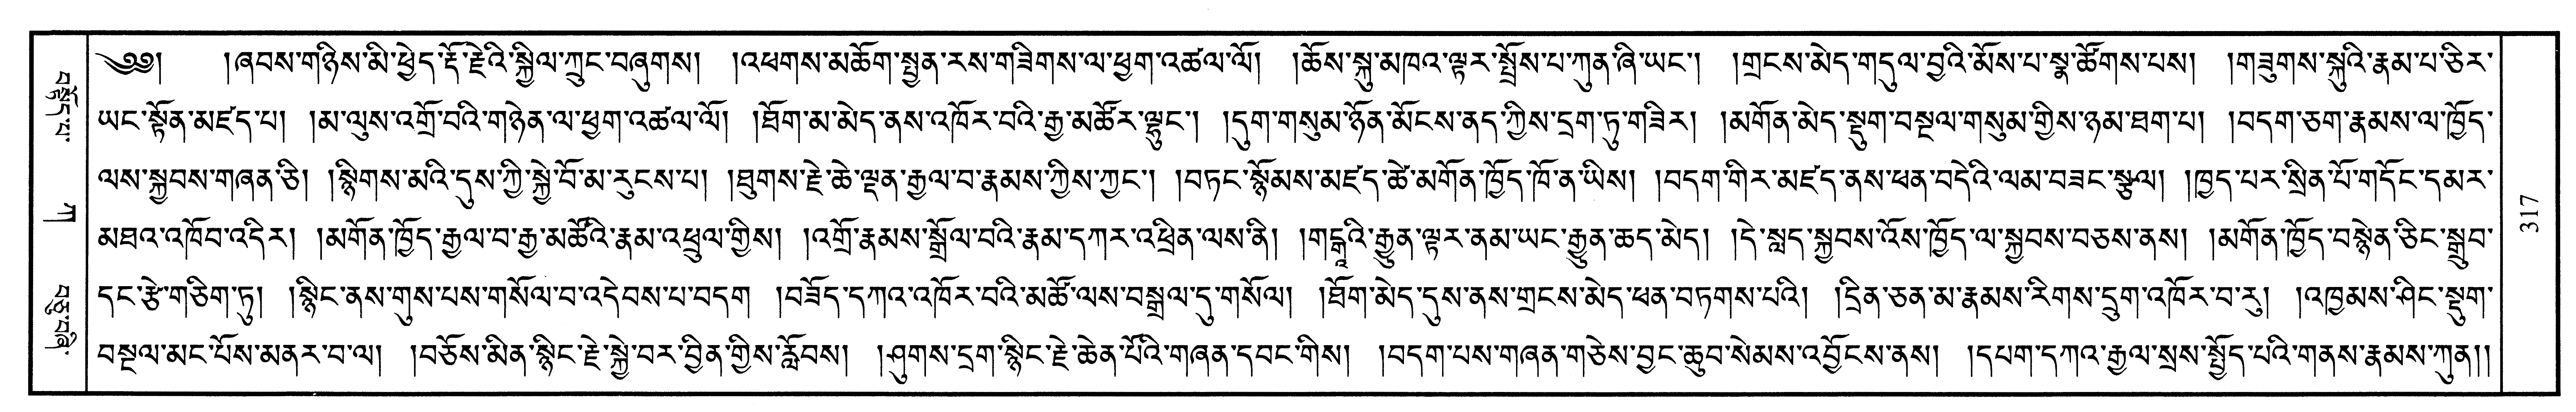༄༅། །ཞབས་གཉིས་མི་ཕྱེད་རྡོ་རྗེའི་སྐྱིལ་ཀྲུང་བཞུགས། །འཕགས་མཆོག་སྤྱན་རས་གཟིགས་ལ་ཕྱག་འཚལ་ལོ། །ཆོས་སྐུ་མཁའ་ལྟར་སྤྲོས་པ་ཀུན་ཞི་ཡང་། །གྲངས་མེད་གདུལ་བྱའི་མོས་པ་སྣ་ཚོགས་པས། །གཟུགས་སྐུའི་རྣམ་པ་ཅིར་
ཡང་སྟོན་མཛད་པ། །མ་ལུས་འགྲོ་བའི་གཉེན་ལ་ཕྱག་འཚལ་ལོ། །ཐོག་མ་མེད་ནས་འཁོར་བའི་རྒྱ་མཚོར་ལྷུང་། །དུག་གསུམ་ཉོན་མོངས་ནད་ཀྱིས་དྲག་ཏུ་གཟིར། །མགོན་མེད་སྡུག་བསྔལ་གསུམ་གྱིས་ཉམ་ཐག་པ། །བདག་ཅག་རྣམས་ལ་ཁྱོད་
ལས་སྐྱབས་གཞན་ཅི། །སྙིགས་མའི་དུས་ཀྱི་སྐྱེ་བོ་མ་རུངས་པ། །ཐུགས་རྗེ་ཆེ་ལྡན་རྒྱལ་བ་རྣམས་ཀྱིས་ཀྱང་། །བཏང་སྙོམས་མཛད་ཚེ་མགོན་ཁྱོད་ཁོ་ན་ཡིས། །བདག་གིར་མཛད་ནས་ཕན་བདེའི་ལམ་བཟང་སྩལ། །ཁྱད་པར་སྲིན་པོ་གདོང་དམར་
མཐའ་འཁོབ་འདིར། །མགོན་ཁྱོད་རྒྱལ་བ་རྒྱ་མཚོའི་རྣམ་འཕྲུལ་གྱིས། །འགྲོ་རྣམས་སྒྲོལ་བའི་རྣམ་དཀར་འཕྲིན་ལས་ནི། །གངྒཱའི་རྒྱུན་ལྟར་ནམ་ཡང་རྒྱུན་ཆད་མེད། །དེ་སླད་སྐྱབས་འོས་ཁྱོད་ལ་སྐྱབས་བཅས་ནས། །མགོན་ཁྱོད་བསྙེན་ཅིང་སྒྲུབ་
དང་རྩེ་གཅིག་ཏུ། །སྙིང་ནས་གུས་པས་གསོལ་བ་འདེབས་པ་བདག །བཟོད་དཀའ་འཁོར་བའི་མཚོ་ལས་བསྒྲལ་དུ་གསོལ། །ཐོག་མེད་དུས་ནས་གྲངས་མེད་ཕན་བཏགས་པའི། །དྲིན་ཅན་མ་རྣམས་རིགས་དྲུག་འཁོར་བ་རུ། །འཁྱམས་ཤིང་སྡུག་
བསྔལ་མང་པོས་མནར་བ་ལ། །བཅོས་མིན་སྙིང་རྗེ་སྐྱེ་བར་བྱིན་གྱིས་རློབས། །ཤུགས་དྲག་སྙིང་རྗེ་ཆེན་པོའི་གཞན་དབང་གིས། །བདག་པས་གཞན་གཅེས་བྱང་ཆུབ་སེམས་འབྱོངས་ནས། །དཔག་དཀའ་རྒྱལ་སྲས་སྤྱོད་པའི་གནས་རྣམས་ཀུན། །